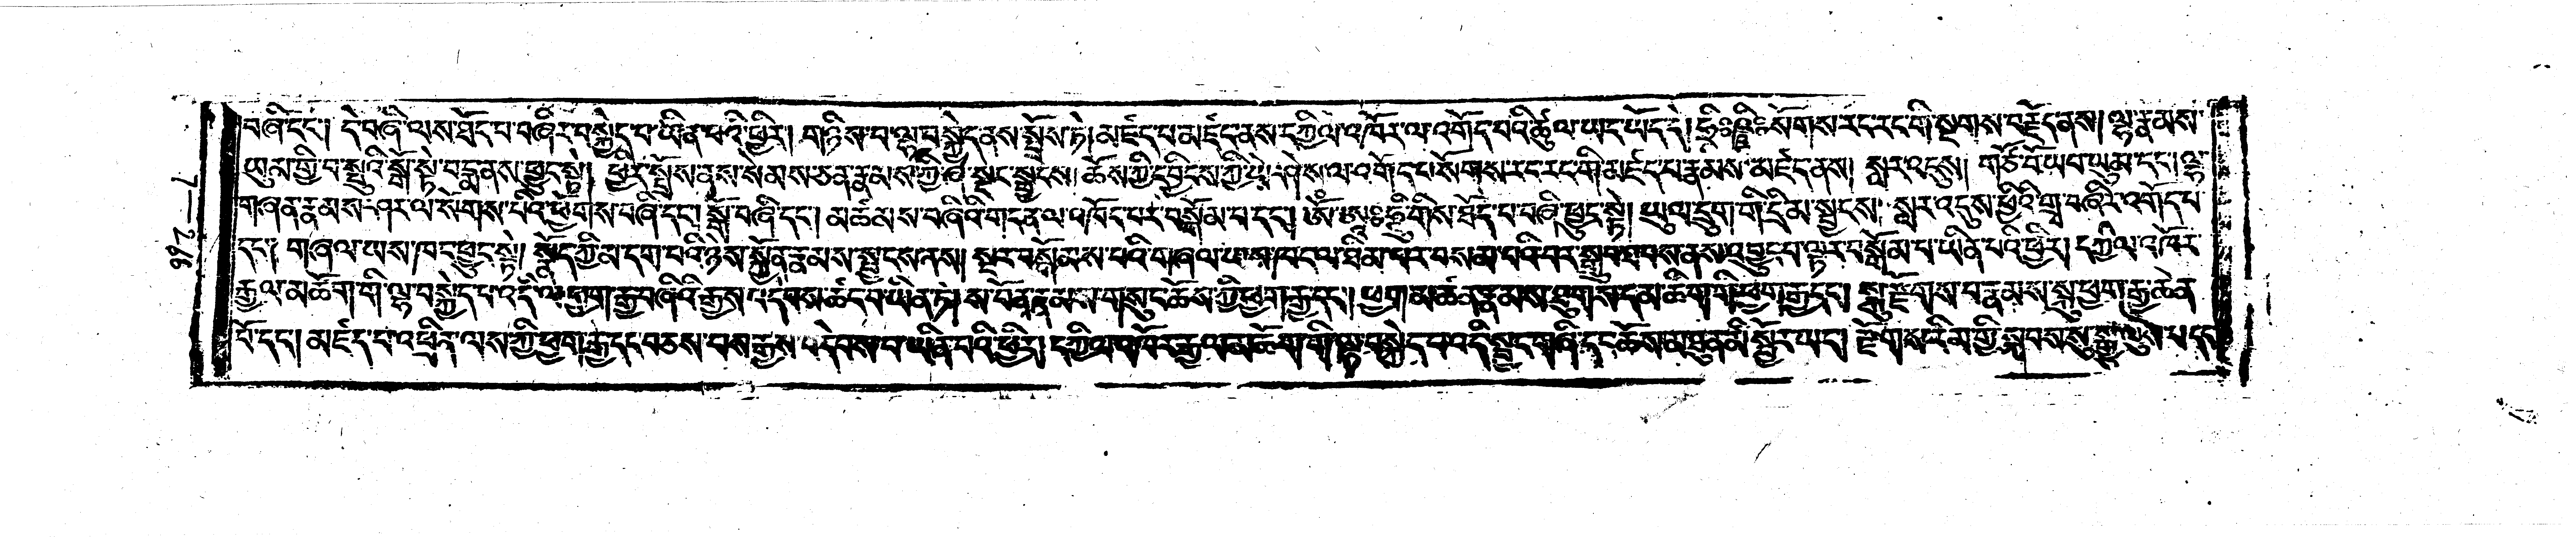བཞི་དང་། དེ་བཞི་ལས་ཐོད་པ་བཞིར་བསྐྱེད་པ་ཡིན་པའི་ཕྱིར། གཉིས་པ་ལྷ་བསྐྱེད་ནས་སྤྲོས་ཏེ། མཛད་པ་མཛད་ནས་དཀྱིལ་འཁོར་ལ་འགོང་བའི་ཚུལ་ཡང་ཡོད་དེ། ཧྲཱིཿ ཥྚཱིཿ སོགས་དང་རང་གི་སྔགས་བརྗོད་ནས། ལྷ་རྣམས་
ཡུམ་གྱི་བ་སྤུའི་སྒོ་སྟེ་པདམ་ནས་ཕྱུང་སྟེ། ཕྱིར་སྤྲོས་ནས་སེམས་ཅན་རྣམས་ཀྱི་ཞེ་སྡང་སྦྱངས། ཆོས་ཀྱི་དབྱིངས་ཀྱི་ཡེ་ཤེས་ལ་འགོད་པ་སོགས་རབ་རང་གི་མཛད་པ་རྣམས་མཛད་ནས། སླར་འདུས། གཙོ་བོ་ཡབ་ཡུམ་དང་། ལྷ་
གཞན་རྣམས་ཤར་ལ་སོགས་པའི་ཕྱོགས་བཞི་དང་། སྒོ་བཞི་དང་། མཚམས་བཞིའི་གདན་ལ་འཁོད་པར་བསྒོམ་པ་དང་། ཨོཾ་ཨཱཿ ཧཱུཾ་གིས་ཐོད་པ་བཞི་ཕྱུང་སྟེ། ཡུལ་དྲུག་གི་དྲི་མ་སྦྱངས། སླར་འདུས་ཕྱིའི་གྲྭ་བཞིར་འགོད་པ་
དང་། གཞལ་ཡས་ཁང་ཕྱུང་སྟེ། སྣོད་ཀྱི་མ་དག་པའི་ཉེས་སྐྱོན་རྣམས་སྦྱངས་ནས། སྔར་བསྒོམས་པའི་གཞལ་ཡས་ཁང་ལ་ཐིམ་པར་བསམ་པའི་བར་སྒྲུབ་ཐབས་ནས་འབྱུང་བ་ལྟར་བསྒོམ་པ་ཡིན་པའི་ཕྱིར། དཀྱིལ་འཁོར་
རྒྱལ་མཆོག་གི་ལྷ་བསྐྱེད་པ་འདི་ལ་ཕྱག་རྒྱ་བཞིའི་རྒྱས་འདེབས་ཆད་པ་ཡིན་ཏེ། ས་བོན་རྣམས་གསུང་ཆོས་ཀྱི་ཕྱག་རྒྱ་དང་། ཕྱག་མཚན་རྣམས་ཐུགས་དམ་ཚིག་གི་ཕྱག་རྒྱ་དང་། སྐུ་རྫོགས་པ་རྣམས་སྐུ་ཕྱག་རྒྱ་ཆེན་
པོ་དང་། མཛད་པ་འཕྲིན་ལས་ཀྱི་ཕྱག་རྒྱ་དང་བཅས་པས་རྒྱས་འདེབས་པ་ཡིན་པའི་ཕྱིར། དཀྱིལ་འཁོར་རྒྱལ་མཆོག་གི་ལྷ་བསྐྱེད་པ་འདི་སྦྱང་གཞི་དང་ཆོས་མཐུན་མི་སྦྱོར་ཡང་། རྫོགས་རིམ་གྱི་སྐབས་སུ་སྒྱུ་ལུས་པ་དང་